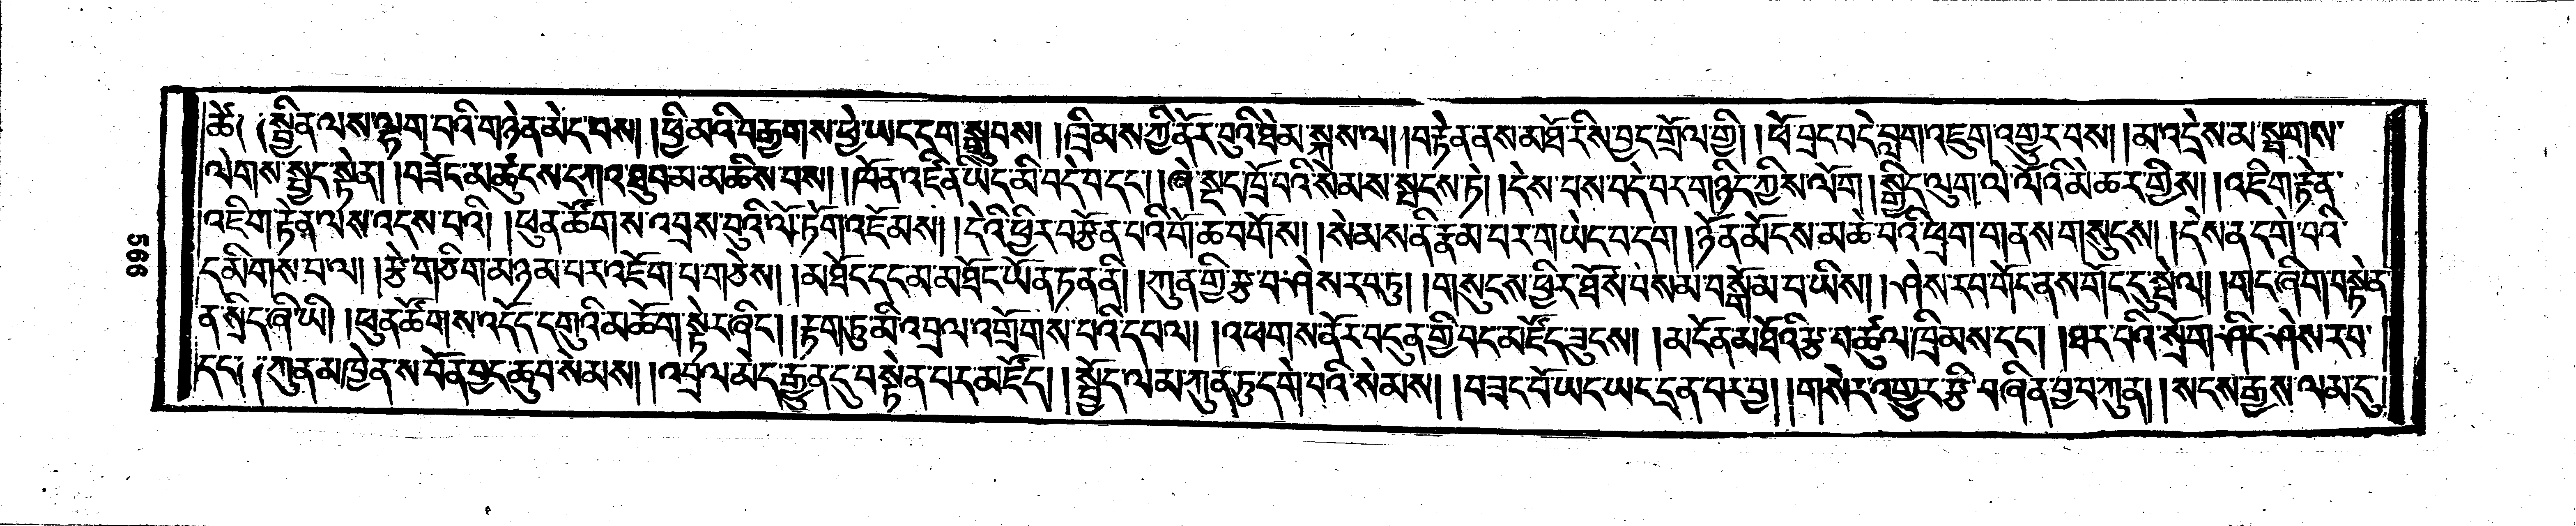ཚེ། །སྦྱིན་ལས་ལྷག་པའི་གཉེན་མེད་པས། །ཕྱི་མའི་བརྒྱགས་ཕྱེ་ཡང་དག་སྒྲུབས། །ཁྲིམས་ཀྱི་ནོར་བུའི་ཐེམ་སྐས་ལ། །བརྟེན་ནས་མཐོ་རིས་བྱང་གྲོལ་གྱི། །ཕོ་བྲང་བདེ་བླག་འཇུག་འགྱུར་བས། །མ་འདྲེས་མ་སྦགས་
ལེགས་སྤྱད་སྟེན། །བཟོད་མཚུངས་དཀའ་ཐུབ་མ་མཆིས་པས། །ཁོན་འཛིན་ཡིད་མི་བདེ་བ་དང་། །ཞེ་སྡང་ཁྲོ་བའི་སེམས་སྤངས་ཏེ། །དེས་བས་བདེ་བར་གཉིད་ཀྱིས་ལོག །སྒྱིད་ལུག་ལེ་ལོའི་མེ་ཆར་གྱིས། །འཇིག་རྟེན་
འཇིག་རྟེན་ལས་འདས་པའི། །ཕུན་ཚོགས་འབྲས་བུའི་ལོ་ཏོག་འཇོམས། །དེའི་ཕྱིར་བརྩོན་པའི་གོ་ཆ་བགོས། །སེམས་ནི་རྣམ་པར་གཡེང་བ་དག །ཉོན་མོངས་མཆེ་བའི་ཕྲག་གནས་གསུངས། །དེས་ན་དགེ་བའི་
དམིགས་པ་ལ། །རྩེ་གཅིག་མཉམ་པར་འཇོག་པ་གཅེས། །མཐོང་དང་མ་མཐོང་ཡོན་ཏན་ནི། །ཀུན་གྱི་རྩ་བ་ཤེས་རབ་ཏུ། །གསུངས་ཕྱིར་ཐོས་བསམ་བསྒོམ་པ་ཡིས། །ཤེས་རབ་གོང་ནས་གོང་དུ་སྤེལ། །གང་ཞིག་བསྟེན་
ན་སྲིད་ཞི་ཡི། །ཕུན་ཚོགས་འདོད་དགུའི་མཆོག་སྟེར་ཞིང་། །རྟག་ཏུ་མི་འབྲལ་འགྲོགས་པའི་དཔལ། །འཕགས་ནོར་བདུན་གྱི་བང་མཛོད་ཟུངས། །མངོན་མཐོའི་རྩ་བ་ཚུལ་ཁྲིམས་དང་། །ཐར་པའི་སྲོག་ཤིང་ཤེས་རབ་
དང་། །ཀུན་མཁྱེན་ས་བོན་བྱང་ཆུབ་སེམས། །འབྲལ་མེད་རྒྱུན་དུ་བསྟེན་པར་མཛོད། །སྤྱོད་ལམ་ཀུན་ཏུ་དགེ་བའི་སེམས། །བཟང་པོ་ཡང་ཡང་དྲན་པར་བྱ། །གསེར་འགྱུར་རྩི་བཞིན་བྱ་བ་ཀུན། །སངས་རྒྱས་ལམ་དུ་